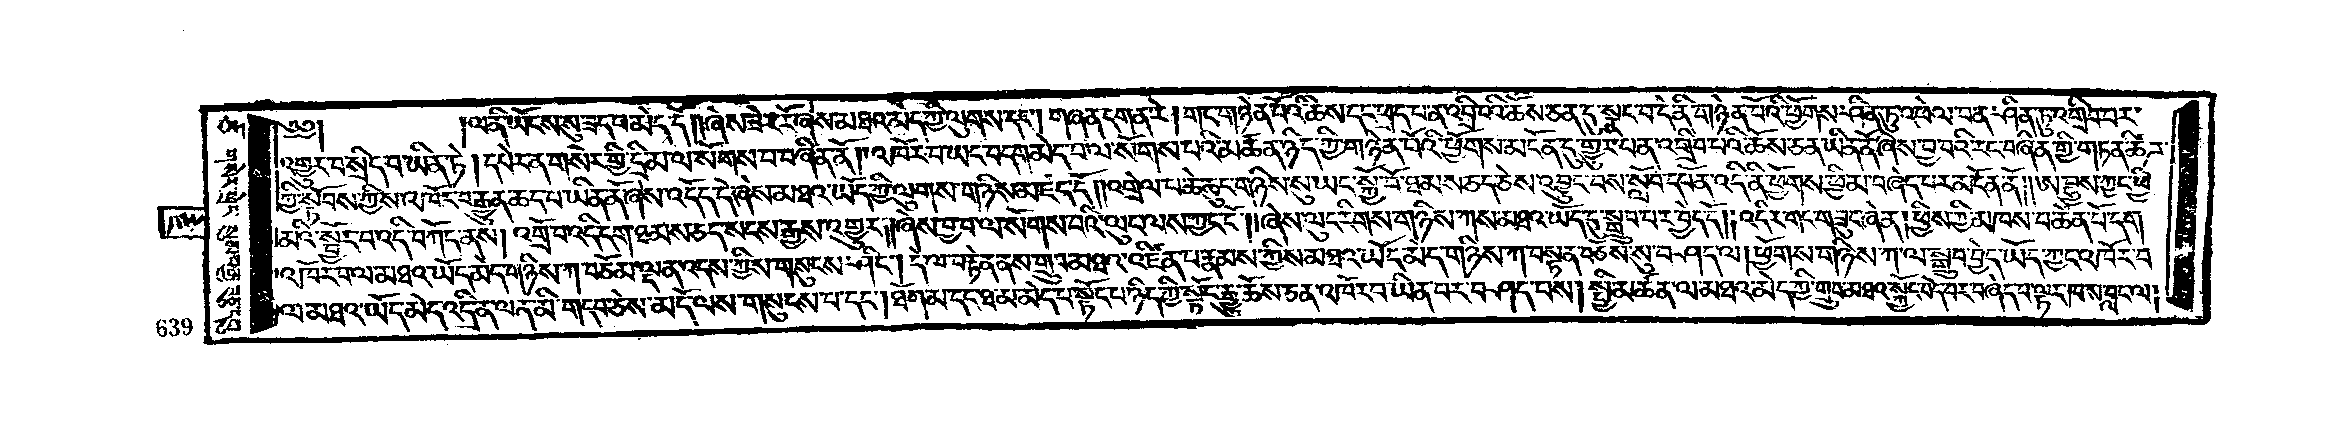༄༅། །ལ་ནི་ཡོངས་སུ་ཟད་པ་མེད་དོ། །ཞེས་ཟེར་རོ་ཞེས་མཐའ་མེད་ཀྱི་ལུགས་དང་། གཞན་དག་ན་རེ། གང་གཉེན་པོའི་ཆོས་དང་ཕྲད་པ་ན་འབྲི་བའི་ཆོས་ཅན་དུ་སྣང་བ་དེ་ནི་གཉེན་པོའི་ཕྱོགས་ཤིན་ཏུ་འཕེལ་བ་ན་ཤིན་ཏུ་འགྲིབ་པར་
འགྱུར་བ་སྲིད་པ་ཡིན་ཏེ། དཔེར་ན་གསེར་གྱི་དྲི་མ་ལ་སོགས་པ་བཞིན་ནོ། །འཁོར་བ་ཡང་བདག་མེད་པ་ལ་སོགས་པའི་མཚན་ཉིད་ཀྱི་གཉེན་པོའི་ཕྱོགས་མངོན་དུ་གྱུར་པ་ན་འགྲིབ་པའི་ཆོས་ཅན་ཡིན་ནོ་ཞེས་བྱ་བའི་རང་བཞིན་གྱི་གཏན་ཚིགས་
ཀྱི་སྟོབས་ཀྱིས་འཁོར་བ་རྒྱུན་ཆད་པ་ཡིན་ནོ་ཞེས་འདོད་དེ་ཞེས་མཐའ་ཡོད་ཀྱི་ལུགས་གཉིས་མཛད་དོ། །འགྲེལ་པ་ཆེ་ཆུང་གཉིས་སུ་ཡང་སྐྱེ་བོ་ཐམས་ཅད་ཅེས་འབྱུང་བས་སློབ་དཔོན་འདི་ནི་ཕྱོགས་ཕྱི་མ་བཞེད་པར་མངོན་ནོ། །ཨ་བྷྱས་ཀྱང་ཕྱི་
མའི་སྦྱོར་བ་འདི་བཀོད་ནས། འགྲོ་བ་འདི་དག་ཐམས་ཅད་སངས་རྒྱས་འགྱུར། །ཞེས་བྱ་བ་ལ་སོགས་པའི་ལུང་ལས་ཀྱང་ངོ། །ཞེས་ལུང་རིགས་གཉིས་ཀས་མཐའ་ཡོད་དུ་སྒྲུབ་པར་བྱེད་དོ། །འདིར་གང་གཟུང་ཞེ་ན། ཕྱིས་ཀྱི་མཁས་པ་ཆེན་པོ་དག་
འཁོར་བ་ལ་མཐའ་ཡོད་མེད་གཉིས་ཀ་བཅོམ་ལྡན་འདས་ཀྱིས་གསུངས་ཤིང་། དེ་ལ་བརྟེན་ནས་གྲུབ་མཐའ་འཛིན་པ་རྣམས་ཀྱིས་མཐའ་ཡོད་མེད་གཉིས་ཀ་བསྟན་བཅོས་སུ་བཤད་ལ། ཕྱོགས་གཉིས་ཀ་ལ་སྒྲུབ་བྱེད་ཡོད་ཀྱང་འཁོར་བ་
ལ་མཐའ་ཡོད་མེད་འདྲི་ན་ལན་མི་གདབ་ཅེས་མདོ་ལས་གསུངས་པ་དང་། ཐོག་མ་དང་ཐ་མ་མེད་པ་སྟོང་པ་ཉིད་ཀྱི་སྟོང་རྒྱུ་ཆོས་ཅན་འཁོར་བ་ཡིན་པར་བཤད་པས། སྤྱི་མཚན་ལ་མཐའ་མེད་ཀྱི་གྲུབ་མཐའ་སྐྱོང་བདེ་བར་བཞེད་པ་ལྟར་ཁས་བླང་ལ།